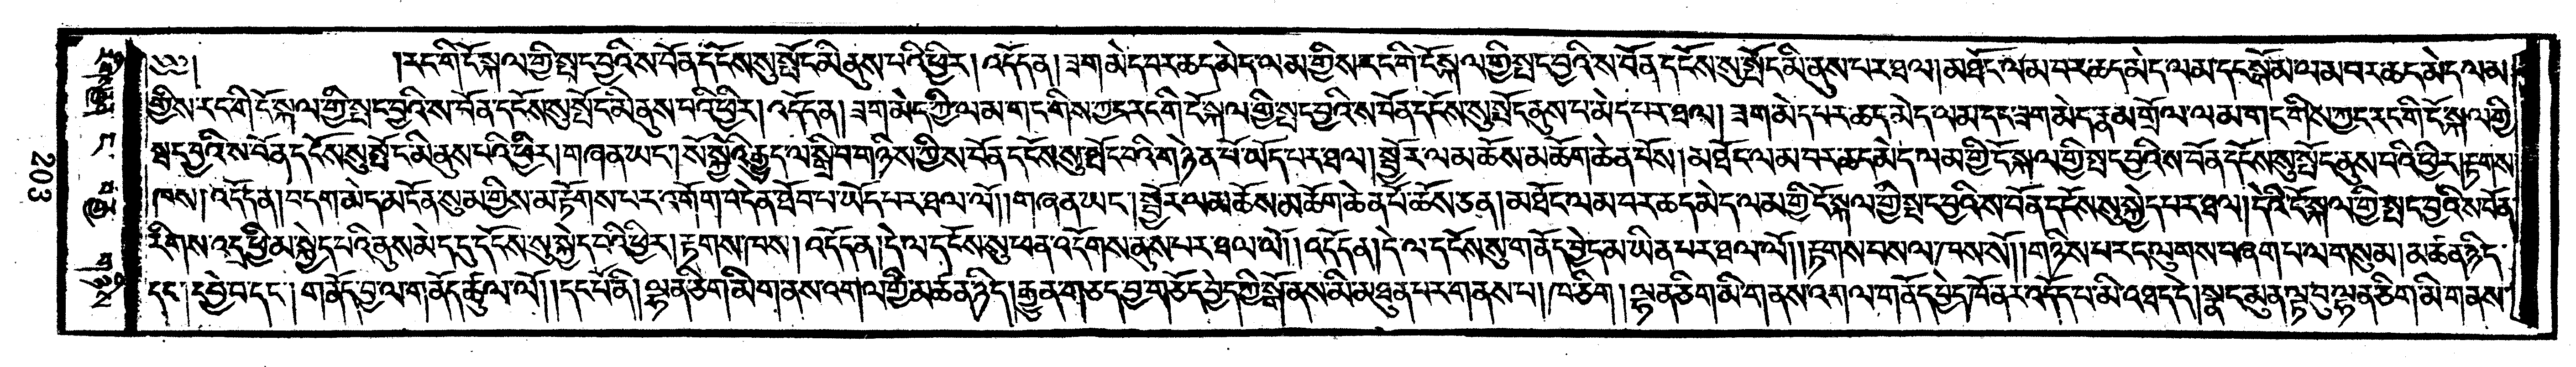༄༅། །རང་གི་ངོ་སྐལ་གྱི་སྤང་བྱའི་ས་བོན་དངོས་སུ་སྤོང་མི་ནུས་པའི་ཕྱིར། འདོད་ན། ཟག་མེད་བར་ཆད་མེད་ལམ་གྱིས་རང་གི་ངོ་སྐལ་གྱི་སྤང་བྱའི་ས་བོན་དངོས་སུ་སྤོང་མི་ནུས་པར་ཐལ། མཐོང་ལམ་བར་ཆད་མེད་ལམ་དང་སྒོམ་ལམ་བར་ཆད་མེད་ལམ་
གྱིས་རང་གི་ངོ་སྐལ་གྱི་སྤང་བྱའི་ས་བོན་དངོས་སུ་སྤོང་མི་ནུས་པའི་ཕྱིར། འདོད་ན། ཟག་མེད་ཀྱི་ལམ་གང་གིས་ཀྱང་རང་གི་ངོ་སྐལ་གྱི་སྤང་བྱའི་ས་བོན་དངོས་སུ་སྤོང་ནུས་པ་མེད་པར་ཐལ། ཟག་མེད་བར་ཆད་མེད་ལམ་དང་ཟག་མེད་རྣམ་གྲོལ་ལམ་གང་གིས་ཀྱང་རང་གི་ངོ་སྐལ་གྱི་
སྤང་བྱའི་ས་བོན་དངོས་སུ་སྤོང་མི་ནུས་པའི་ཕྱིར། གཞན་ཡང་། སོ་སྐྱེའི་རྒྱུད་ལ་སྒྲིབ་གཉིས་ཀྱི་ས་བོན་དངོས་སུ་སྤོང་བའི་གཉེན་པོ་ཡོད་པར་ཐལ། སྦྱོར་ལམ་ཆོས་མཆོག་ཆེན་པོས། མཐོང་ལམ་བར་ཆད་མེད་ལམ་གྱི་ངོ་སྐལ་གྱི་སྤང་བྱའི་ས་བོན་དངོས་སུ་སྤོང་ནུས་པའི་ཕྱིར། རྟགས་
ཁས། འདོད་ན། བདག་མེད་མངོན་སུམ་གྱིས་མ་རྟོགས་པར་འགོག་བདེན་ཐོབ་པ་ཡོད་པར་ཐལ་ལོ། །གཞན་ཡང་། སྦྱོར་ལམ་ཆོས་མཆོག་ཆེན་པོ་ཆོས་ཅན། མཐོང་ལམ་བར་ཆད་མེད་ལམ་གྱི་ངོ་སྐལ་གྱི་སྤང་བྱའི་ས་བོན་དངོས་སུ་སྐྱེད་པར་ཐལ། དེའི་ངོ་སྐལ་གྱི་སྤང་བྱའི་ས་བོན་
རིགས་འདྲ་ཕྱི་མ་སྐྱེད་པའི་ནུས་མེད་དུ་དངོས་སུ་སྐྱེད་པའི་ཕྱིར། རྟགས་ཁས། འདོད་ན། དེ་ལ་དངོས་སུ་ཕན་འདོགས་ནུས་པར་ཐལ་ལོ། །འདོད་ན། དེ་ལ་དངོས་སུ་གནོད་བྱེད་མ་ཡིན་པར་ཐལ་ལོ། །རྟགས་བསལ་ཁས་སོ། །གཉིས་པ་རང་ལུགས་བཞག་པ་ལ་གསུམ། མཚན་ཉིད་
དང་། དབྱེ་བ་དང་། གནོད་བྱ་ལ་གནོད་ཚུལ་ལོ། །དང་པོ་ནི། ལྷན་ཅིག་མི་གནས་འགལ་གྱི་མཚན་ཉིད། རྒྱུན་གཅད་བྱ་གཅོད་བྱེད་ཀྱི་སྒོ་ནས་མི་མཐུན་པར་གནས་པ། ཁ་ཅིག །ལྷན་ཅིག་མི་གནས་འགལ་གནོད་བྱེད་ཁོ་ནར་འདོད་པ་མི་འཐད་དེ། སྣང་མུན་ལྟ་བུ་ལྷན་ཅིག་མི་གནས་